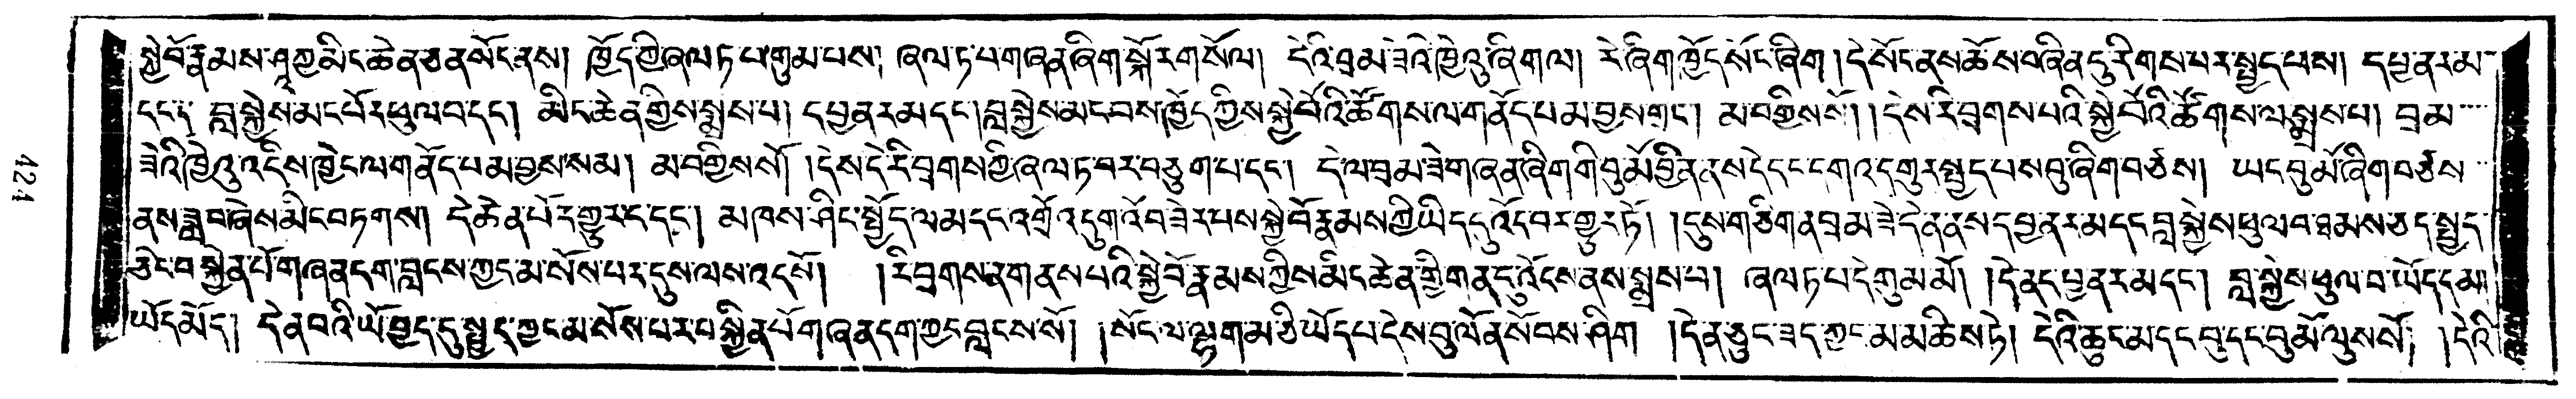སྐྱེ་བོ་རྣམས་ཤཱཀྱ་མིང་ཆེན་ཅན་སོང་ནས། ཁྱོད་ཀྱི་ཞལ་ཏ་པ་གུམ་པས། ཞལ་ཏ་པ་གཞན་ཞིག་སྐོར་གསོལ། དེའི་བྲམ་ཟེའི་ཁྱེའུ་ཞིག་ལ། རེ་ཞིག་ཁྱོད་སོང་ཞིག །དེ་སོང་ནས་ཆོས་བཞིན་དུ་རིགས་པར་སྤྱད་པས། དཔྱ་ནར་མ་
དང༑ བླ་སྐྱེས་མང་པོར་ཕུལ་བ་དང་། མིང་ཆེན་གྱིས་སྨྲས་པ། དབྱན་རམ་དང་། བླ་སྐྱེས་མང་བས་ཁྱོད་ཀྱིས་སྐྱེ་བོའི་ཚོགས་ལ་གནོད་པ་མ་བྱས་གྲང་། མ་བགྱིས་སོ། །དེས་རི་བྲགས་པའི་སྐྱེ་བོའི་ཚོགས་ལ་སྨྲས་པ། བྲམ་
ཟེའི་ཁྱེའུ་འདིས་ཁྱེད་ལ་གནོད་པ་མ་བྱས་སམ། མ་བགྱིས་སོ། །དེས་དེ་རི་བྲགས་ཀྱི་ཞལ་ཏ་བར་བཅུག་པ་དང་། དེ་ལ་བྲམ་ཟེ་གཞན་ཞིག་གི་བུ་མོ་བྱིན་ནས་དེ་དང་དགའ་དགུར་སྤྱད་པས་བུ་ཞིག་བཙས། ཡང་བུ་མོ་ཞིག་བཙས་
ནས་ཟླ་བ་ཞེས་མིང་བཏགས། དེ་ཆེན་པོར་གྱུར་པ་དང་། མཁས་ཤིང་སྤྱོད་ལམ་དང་འགྲོ་འདུག་འོབ་ཟེར་པས་སྐྱེ་བོ་རྣམས་ཀྱི་ཡིད་དུ་འོད་བར་གྱུར་ཏོ། །དུས་གཅིག་ན་བྲམ་ཟེ་དེ་ན་ནས་དབྱ་ནར་མ་དང་བླ་སྐྱེས་ཕུལ་བ་ཐམས་ཅད་སྤྱད་
ཅིང་བ་སྐྱེན་པོ་གཞན་དག་བླངས་ཀྱང་མ་སོས་པར་དུས་ལས་འདསོ། །རི་བྲགས་ན་གནས་པའི་སྐྱེ་བོ་རྣམས་ཀྱིས་མིང་ཆེན་གྱི་གན་དུ་འོངས་ནས་སྨྲས་པ། ཞལ་ཏ་པ་དེ་གུམ་མོ། །དེ་ནད་བྱ་ནར་མ་དང་། བླ་སྐྱེས་ཕུལ་བ་ཡོད་དམ།
ཡོད་མོད། དེ་ན་བའི་ཡོ་བྱད་དུ་སྤྱད་ཀྱང་མ་སོས་པར་བསྐྱིན་པོ་གཞན་དག་ཀྱང་བླངས་སོ། །སོང་ལ་ལྷག་མ་ཅི་ཡོད་པ་དེས་བུ་ལོན་སོབས་ཤིག །དེ་ན་ཅུང་ཟད་ཀྱང་མ་མཆིས་ཏེ། དེའི་ཆུང་མ་དང་བུ་དང་བུ་མོ་ལུས་སོ། །དེའི་